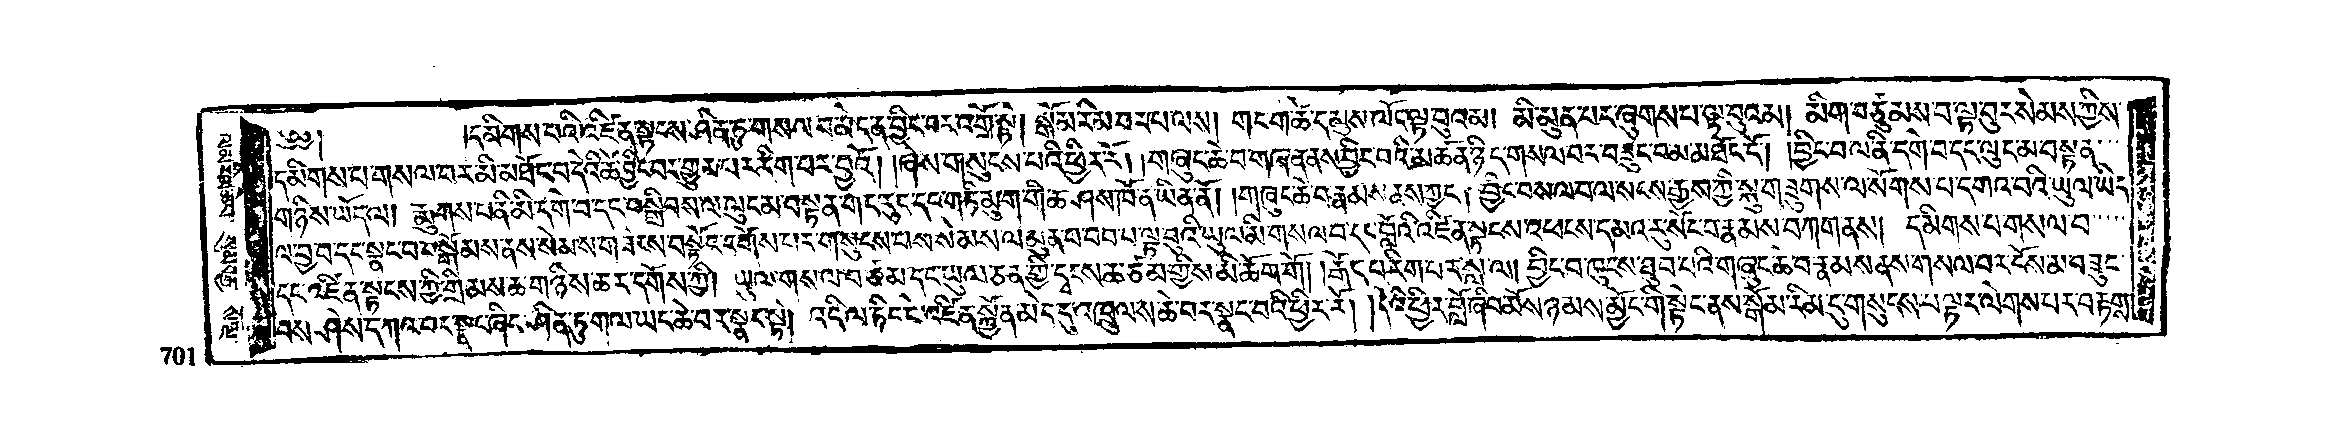༄༅། །དམིགས་པའི་འཛིན་སྟངས་ཤིན་ཏུ་གསལ་བ་མེད་ན་བྱིང་བར་འགྲོ་སྟེ། སྒོམ་རིམ་བར་པ་ལས། གང་གི་ཚེ་དམུས་ལོང་ལྟ་བུའམ། མི་མུན་པར་ཞུགས་པ་ལྟ་བུའམ། མིག་བཙུམས་པ་ལྟ་བུར་སེམས་ཀྱིས་
དམིགས་པ་གསལ་བར་མི་མཐོང་བ་དེའི་ཚེ་བྱིང་བར་གྱུར་བར་རིག་པར་བྱའོ། །ཞེས་གསུངས་པའི་ཕྱིར་རོ། །གཞུང་ཆེ་བ་གཞན་ནས་བྱིང་བའི་མཚན་ཉིད་གསལ་བར་བཟུང་བ་མ་མཐོང་ངོ། །བྱིང་བ་ལ་ནི་དགེ་བ་དང་ལུང་མ་བསྟན་
གཉིས་ཡོད་ལ། རྨུགས་པ་ནི་མི་དགེ་བ་དང་བསྒྲིབས་ལ་ལུང་མ་བསྟན་གང་རུང་དང་གཏི་མུག་གི་ཆ་ཤས་ཁོ་ན་ཡིན་ནོ། །གཞུང་ཆེ་བ་རྣམས་ནས་ཀྱང་། བྱིང་བ་སེལ་བ་ལ་སངས་རྒྱས་ཀྱི་སྐུ་གཟུགས་ལ་སོགས་པ་དགའ་བའི་ཡུལ་ཡིད་
ལ་བྱ་བ་དང་སྣང་བ་བསྒོམས་ནས་སེམས་གཟེངས་བསྟོད་དགོས་པར་གསུངས་པས་སེམས་ལ་མུན་པ་བབ་པ་ལྟ་བུའི་ཡུལ་མི་གསལ་བ་དང་བློའི་འཛིན་སྟངས་འཕངས་དམའ་རུ་སོང་བ་རྣམས་བཀག་ནས། དམིགས་པ་གསལ་བ་
དང་འཛིན་སྟངས་ཀྱི་གྲིམས་ཆ་གཉིས་ཆར་དགོས་ཀྱི། ཡུལ་གསལ་བ་ཙམ་དང་ཡུལ་ཅན་གྱི་དྭངས་ཆ་ཙམ་གྱིས་མི་ཆོག་གོ། །རྒོད་པ་རིག་པར་སླ་ལ། བྱིང་བ་ཁུངས་ཐུབ་པའི་གཞུང་ཆེ་བ་རྣམས་ནས་གསལ་བར་ངོས་མ་བཟུང་
བས་ཤེས་དཀའ་བར་སྣང་ཞིང་ཤིན་ཏུ་གལ་ཡང་ཆེ་བར་སྣང་སྟེ། འདི་ལ་ཏིང་ངེ་འཛིན་སྐྱོན་མེད་དུ་འཁྲུལ་ས་ཆེ་བར་སྣང་བའི་ཕྱིར་རོ། །དེའི་ཕྱིར་བློ་ཞིབ་མོས་ཉམས་མྱོང་གི་སྟེང་ནས་སྒོམ་རིམ་དུ་གསུངས་པ་ལྟར་ལེགས་པར་བརྟགས་